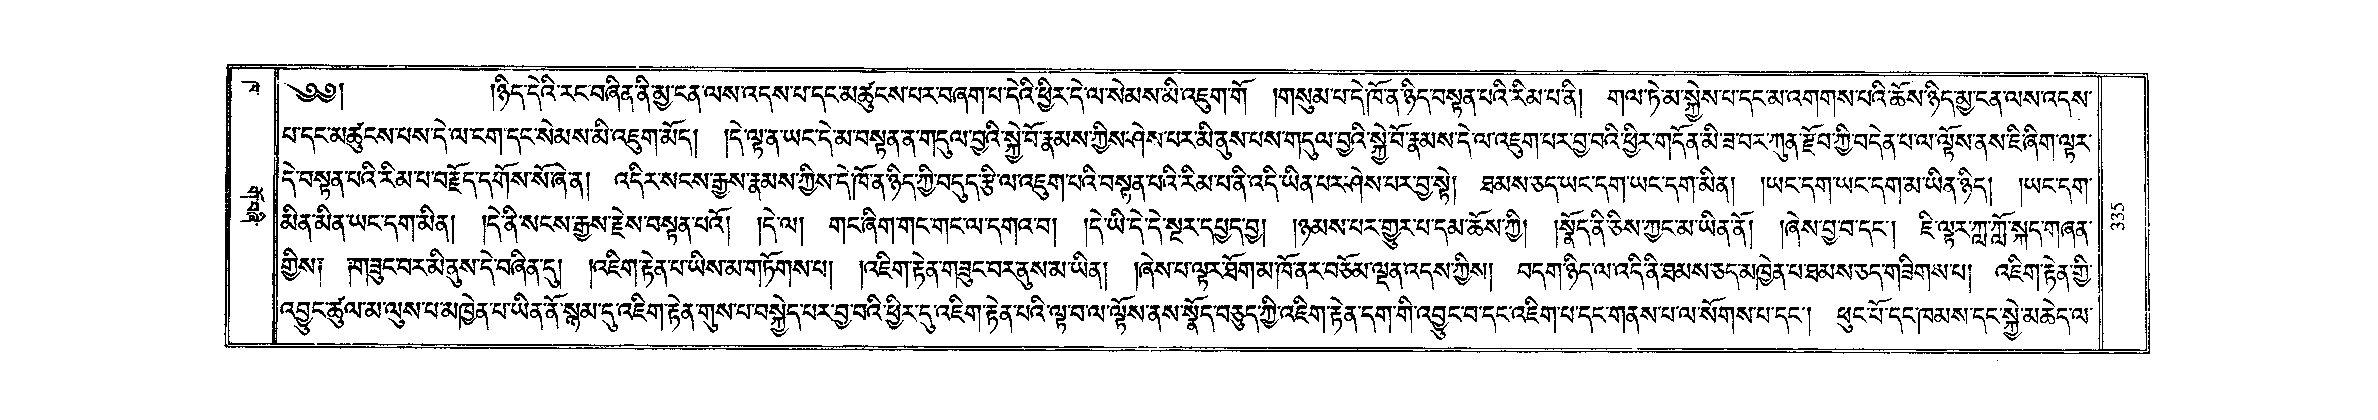༄༅། །ཉིད་དེའི་རང་བཞིན་ནི་མྱ་ངན་ལས་འདས་པ་དང་མཚུངས་པར་བཞག་པ་དེའི་ཕྱིར་དེ་ལ་སེམས་མི་འཇུག་གོ །གསུམ་པ་དེ་ཁོ་ན་ཉིད་བསྟན་པའི་རིམ་པ་ནི། གལ་ཏེ་མ་སྐྱེས་པ་དང་མ་འགགས་པའི་ཆོས་ཉིད་མྱ་ངན་ལས་འདས་
པ་དང་མཚུངས་པས་དེ་ལ་ངག་དང་སེམས་མི་འཇུག་མོད། །དེ་ལྟ་ན་ཡང་དེ་མ་བསྟན་ན་གདུལ་བྱའི་སྐྱེ་བོ་རྣམས་ཀྱིས་ཤེས་པར་མི་ནུས་པས་གདུལ་བྱའི་སྐྱེ་བོ་རྣམས་དེ་ལ་འཇུག་པར་བྱ་བའི་ཕྱིར་གདོན་མི་ཟ་བར་ཀུན་རྫོབ་ཀྱི་བདེན་པ་ལ་ལྟོས་ནས་ཇི་ཞིག་ལྟར་
དེ་བསྟན་པའི་རིམ་པ་བརྗོད་དགོས་སོ་ཞེ་ན། འདིར་སངས་རྒྱས་རྣམས་ཀྱིས་དེ་ཁོ་ན་ཉིད་ཀྱི་བདུད་རྩི་ལ་འཇུག་པའི་བསྟན་པའི་རིམ་པ་ནི་འདི་ཡིན་པར་ཤེས་པར་བྱ་སྟེ། ཐམས་ཅད་ཡང་དག་ཡང་དག་མིན། །ཡང་དག་ཡང་དག་མ་ཡིན་ཉིད། །ཡང་དག་
མིན་མིན་ཡང་དག་མིན། །དེ་ནི་སངས་རྒྱས་རྗེས་བསྟན་པའོ། །དེ་ལ། གང་ཞིག་གང་གང་ལ་དགའ་བ། །དེ་ཡི་དེ་དེ་སྔར་དཔྱད་བྱ། །ཉམས་པར་གྱུར་པ་དམ་ཆོས་ཀྱི། །སྣོད་ནི་ཅིས་ཀྱང་མ་ཡིན་ནོ། །ཞེས་བྱ་བ་དང་། ཇི་ལྟར་ཀླ་ཀློ་སྐད་གཞན་
གྱིས། །གཟུང་བར་མི་ནུས་དེ་བཞིན་དུ། །འཇིག་རྟེན་པ་ཡིས་མ་གཏོགས་པ། །འཇིག་རྟེན་གཟུང་བར་ནུས་མ་ཡིན། །ཞེས་པ་ལྟར་ཐོག་མ་ཁོ་ནར་བཅོམ་ལྡན་འདས་ཀྱིས། བདག་ཉིད་ལ་འདི་ནི་ཐམས་ཅད་མཁྱེན་པ་ཐམས་ཅད་གཟིགས་པ། འཇིག་རྟེན་གྱི་
འབྱུང་ཚུལ་མ་ལུས་པ་མཁྱེན་པ་ཡིན་ནོ་སྙམ་དུ་འཇིག་རྟེན་གུས་པ་བསྐྱེད་པར་བྱ་བའི་ཕྱིར་དུ་འཇིག་རྟེན་པའི་ལྟ་བ་ལ་ལྟོས་ནས་སྣོད་བཅུད་ཀྱི་འཇིག་རྟེན་དག་གི་འབྱུང་བ་དང་འཇིག་པ་དང་གནས་པ་ལ་སོགས་པ་དང་། ཕུང་པོ་དང་ཁམས་དང་སྐྱེ་མཆེད་ལ་